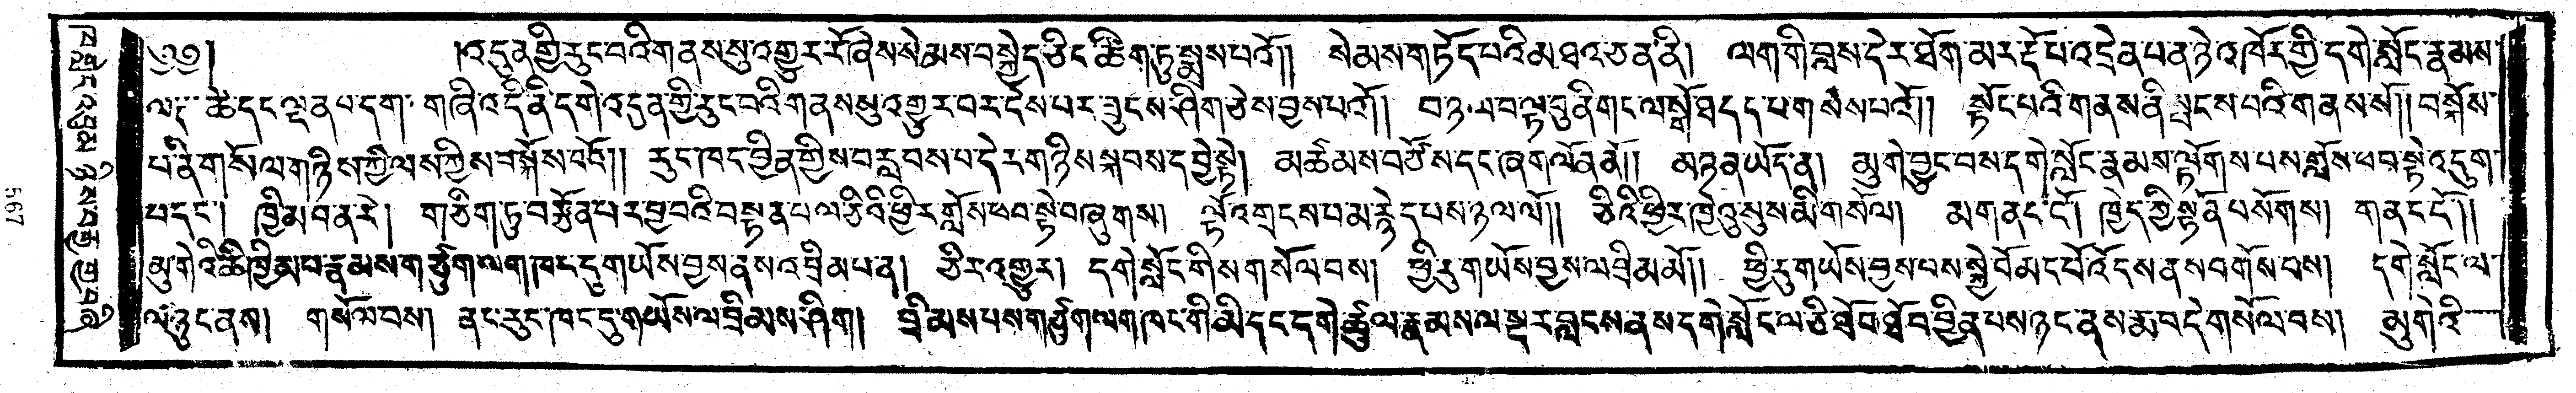༄༅། །འདུན་གྱི་རུང་བའི་གནས་སུ་འགྱུར་རོ་ཞེས་སེམས་བསྐྱེད་ཅིང་ཚིག་ཏུ་སྨྲས་པའོ།། སེམས་གཏོད་བའི་མཐའ་ཅན་ནི། ལག་གི་བླས་དེར་ཐོག་མར་རྡོ་པ་འདྲེན་པ་ན་ཉེ་འཁོར་གྱི་དགེ་སློང་རྣམས་
ལ༑ ཚེ་དང་ལྡན་པ་དག་གཞི་འདི་ནི་དགེ་འདུན་གྱི་རུང་བའི་གནས་སུ་འགྱུར་བར་ངེས་པར་ཟུངས་ཤིག་ཅེས་བྱས་པའོ།། བ་ཉལ་བ་ལྟ་བུ་ནི་གང་ལ་སྒོ་ཐ་དད་པ་གསེས་པའོ།། སྟོང་པའི་གནས་ནི་སྤངས་པའི་གནས་སོ། །བསྐོས་
པ་ནི་གསོལ་གཉིས་ཀྱི་ལས་ཀྱིས་བསྐོས་བའོ།། རུང་ཁང་བྱིན་གྱིས་བརླབས་པ་དེར་གཉིས་སྐབས་དབྱེ་སྟེ། མཚམས་བཙོས་དང་ཞག་ལོན་ནོ།། མཉན་ཡོད་ན། མུ་གེ་བྱུང་བས་དགེ་སློང་རྣམས་ལྟོགས་པས་གློས་ཕབ་སྟེ་འདུག་
པ་དང་། ཁྱིམ་བ་ན་རེ། གཅིག་ཏུ་བརྩོན་པར་བྱ་བའི་བསྟན་པ་ལ་ཅིའི་ཕྱིར་གློས་ཕབ་སྟེ་བཞུགས། ལྟོ་འགྲངས་པ་མ་རྙེད་པས་ཉལ་ལོ།། ཅིའི་ཕྱིར་ཁྱེའུ་སུས་མི་གསོལ། མ་གནང་ངོ། ཁྱེད་ཀྱི་སྟོན་པ་སོགས། གནང་ངོ།།
མུ་གེའི་ཆི་ཁྱིམ་པ་རྣམས་གཙུག་ལག་ཁང་དུ་གཡོས་བྱས་ནས་འབྲིམ་པ་ན། ཅིར་འགྱུར། དགེ་སློང་གིས་གསོལ་བས། ཕྱི་རུ་གཡོས་བྱས་ལ་བྲིམ་མོ།། ཕྱི་རུ་གཡོས་བྱས་པས་སྐྱེ་བོ་མང་པོ་འོདས་ནས་བགོས་བས། དགེ་སློང་ལ་
ལ་ཉུང་ནས། གསོལ་བས། ནང་རུང་ཁང་དུ་གཡོས་ལ་བྲིམས་ཤིག། བྲི་མས་པས་གཙུག་ལག་ཁང་གི་མི་དང་དགེ་ཚུལ་རྣམས་ལ་སྔར་བླངས་ནས་དགེ་སློང་ལ་ཅི་ཐོབ་ཐོབ་བྱིན་པས་ཉང་ནས་རྨ་བདེ་གསོལ་བས། མུ་གེའི་